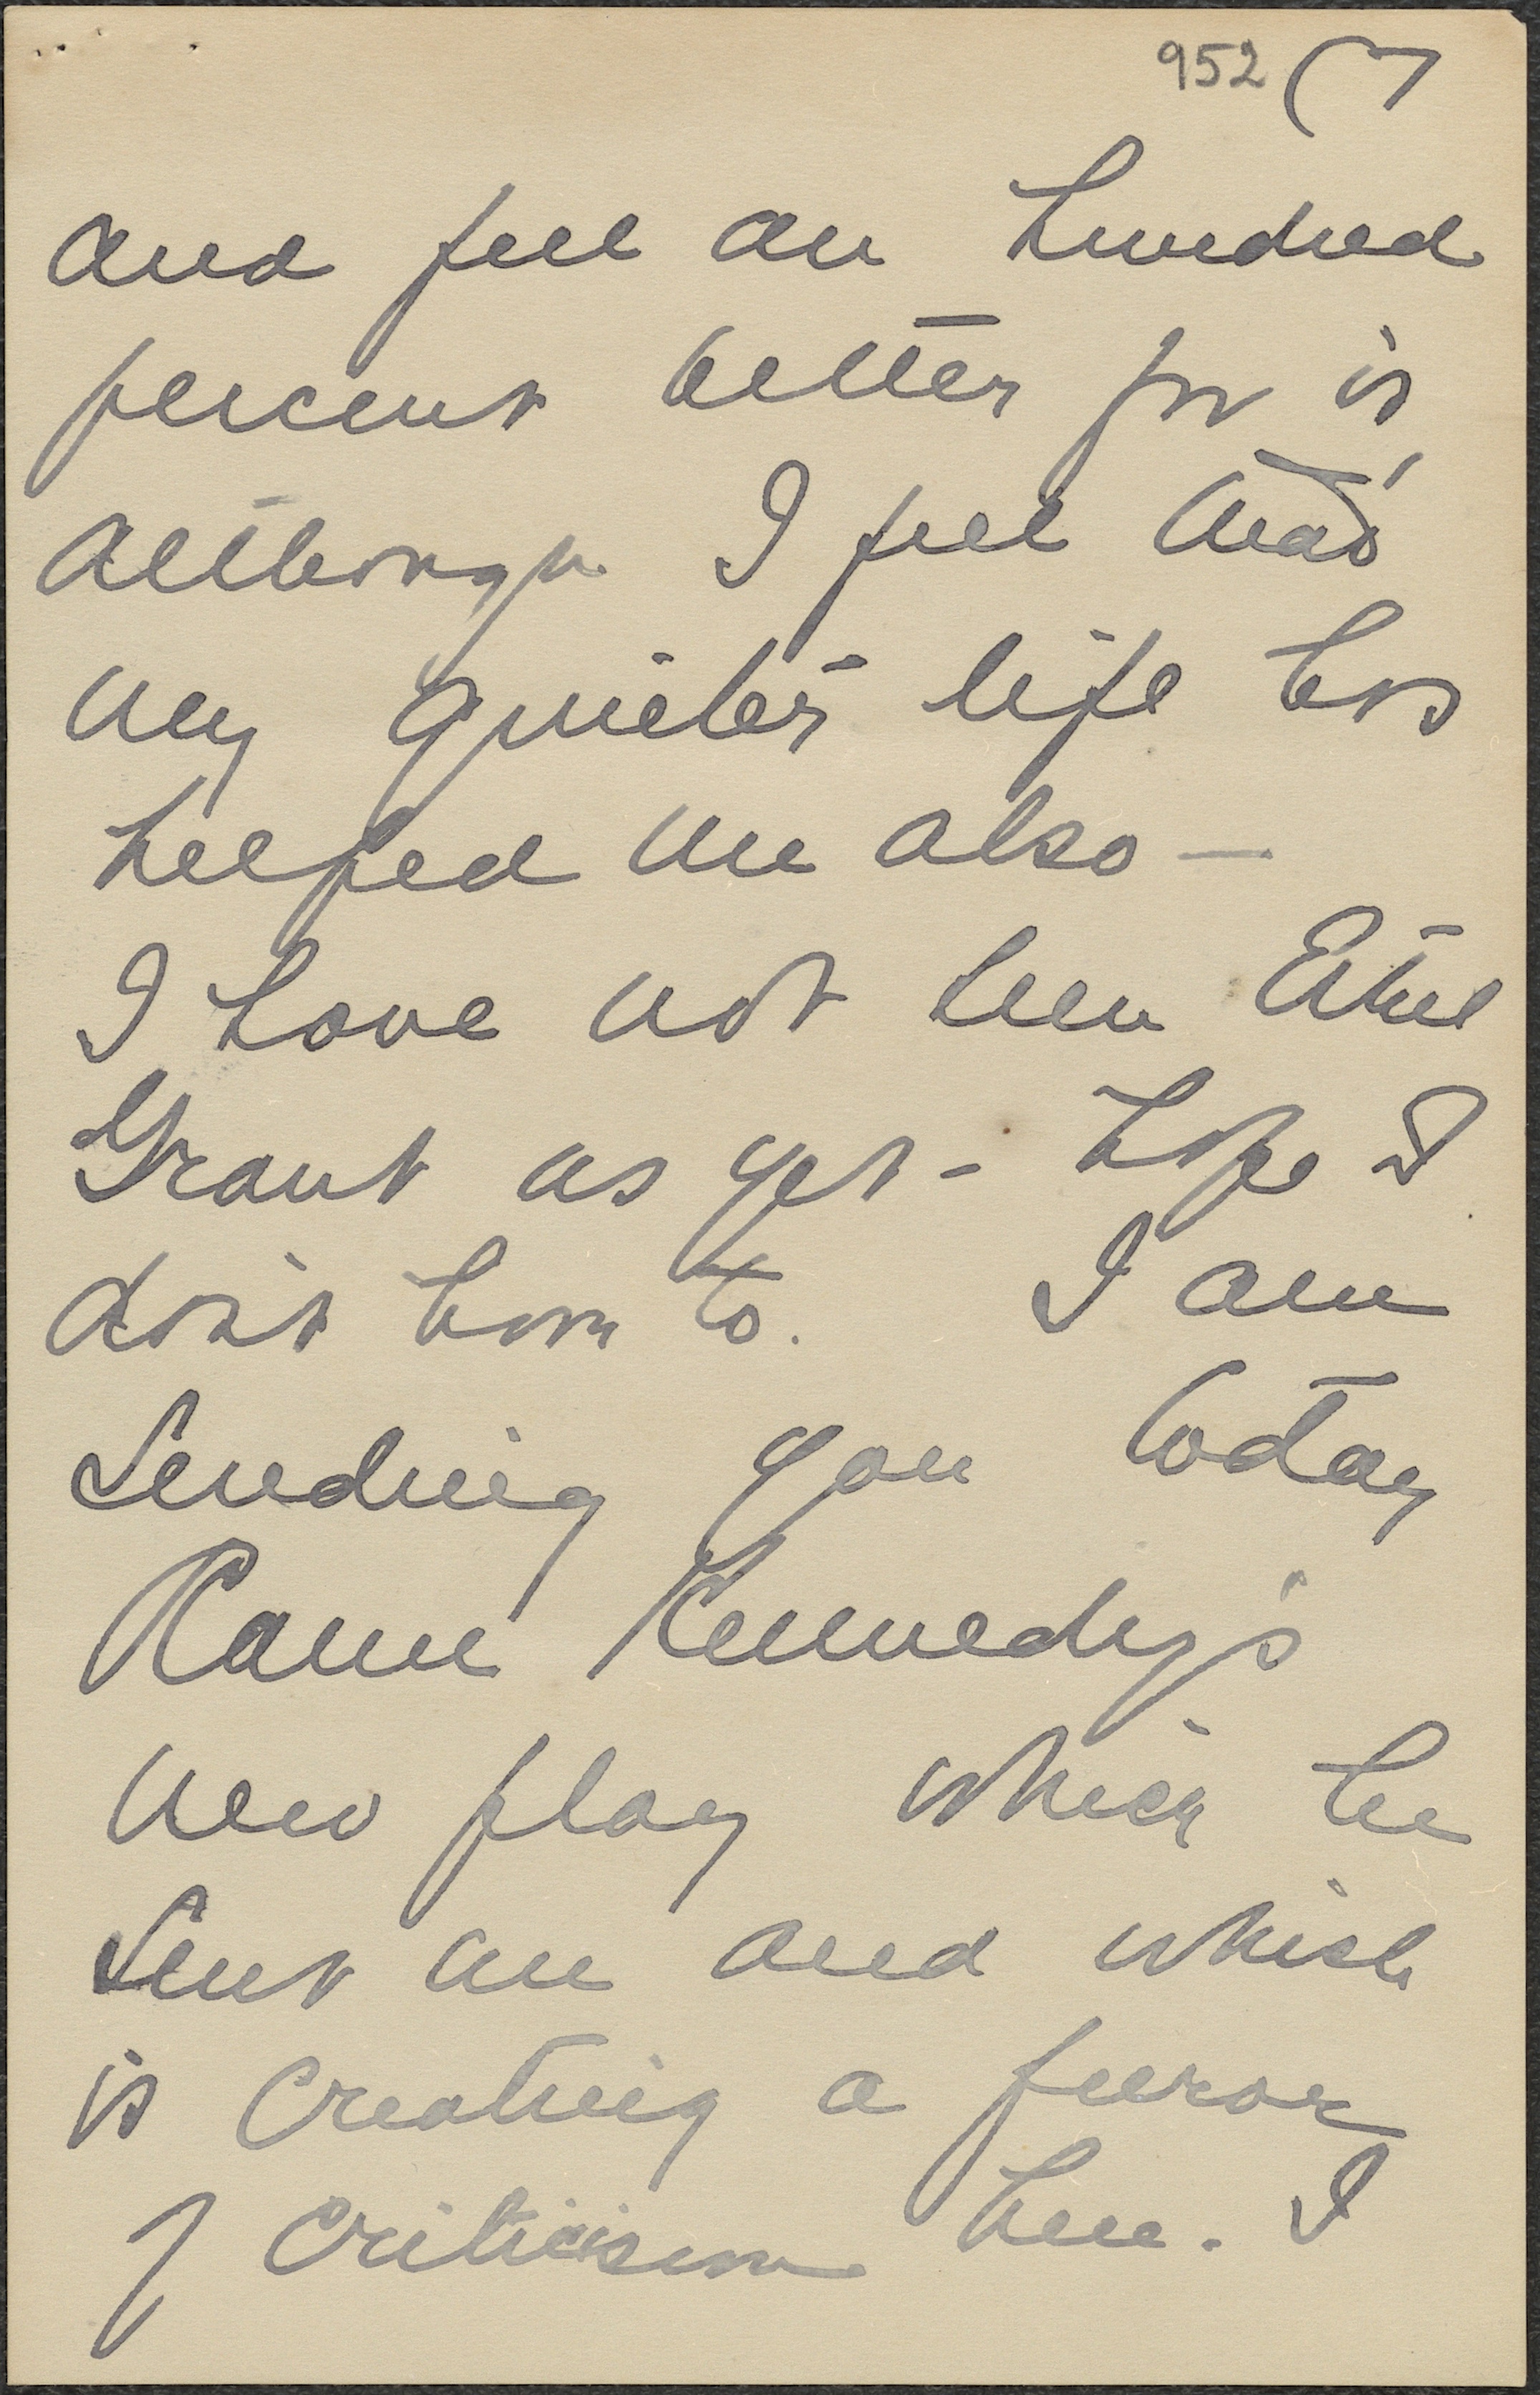(7
and feel an hundred percent better for it, although I feel that my quieter life has helped me also –
I have not seen Ethel Grant as yet – hope I don’t have to. I am sending you today Rann Kennedy’s new play which he sent me and which is creating a furor of criticism here.